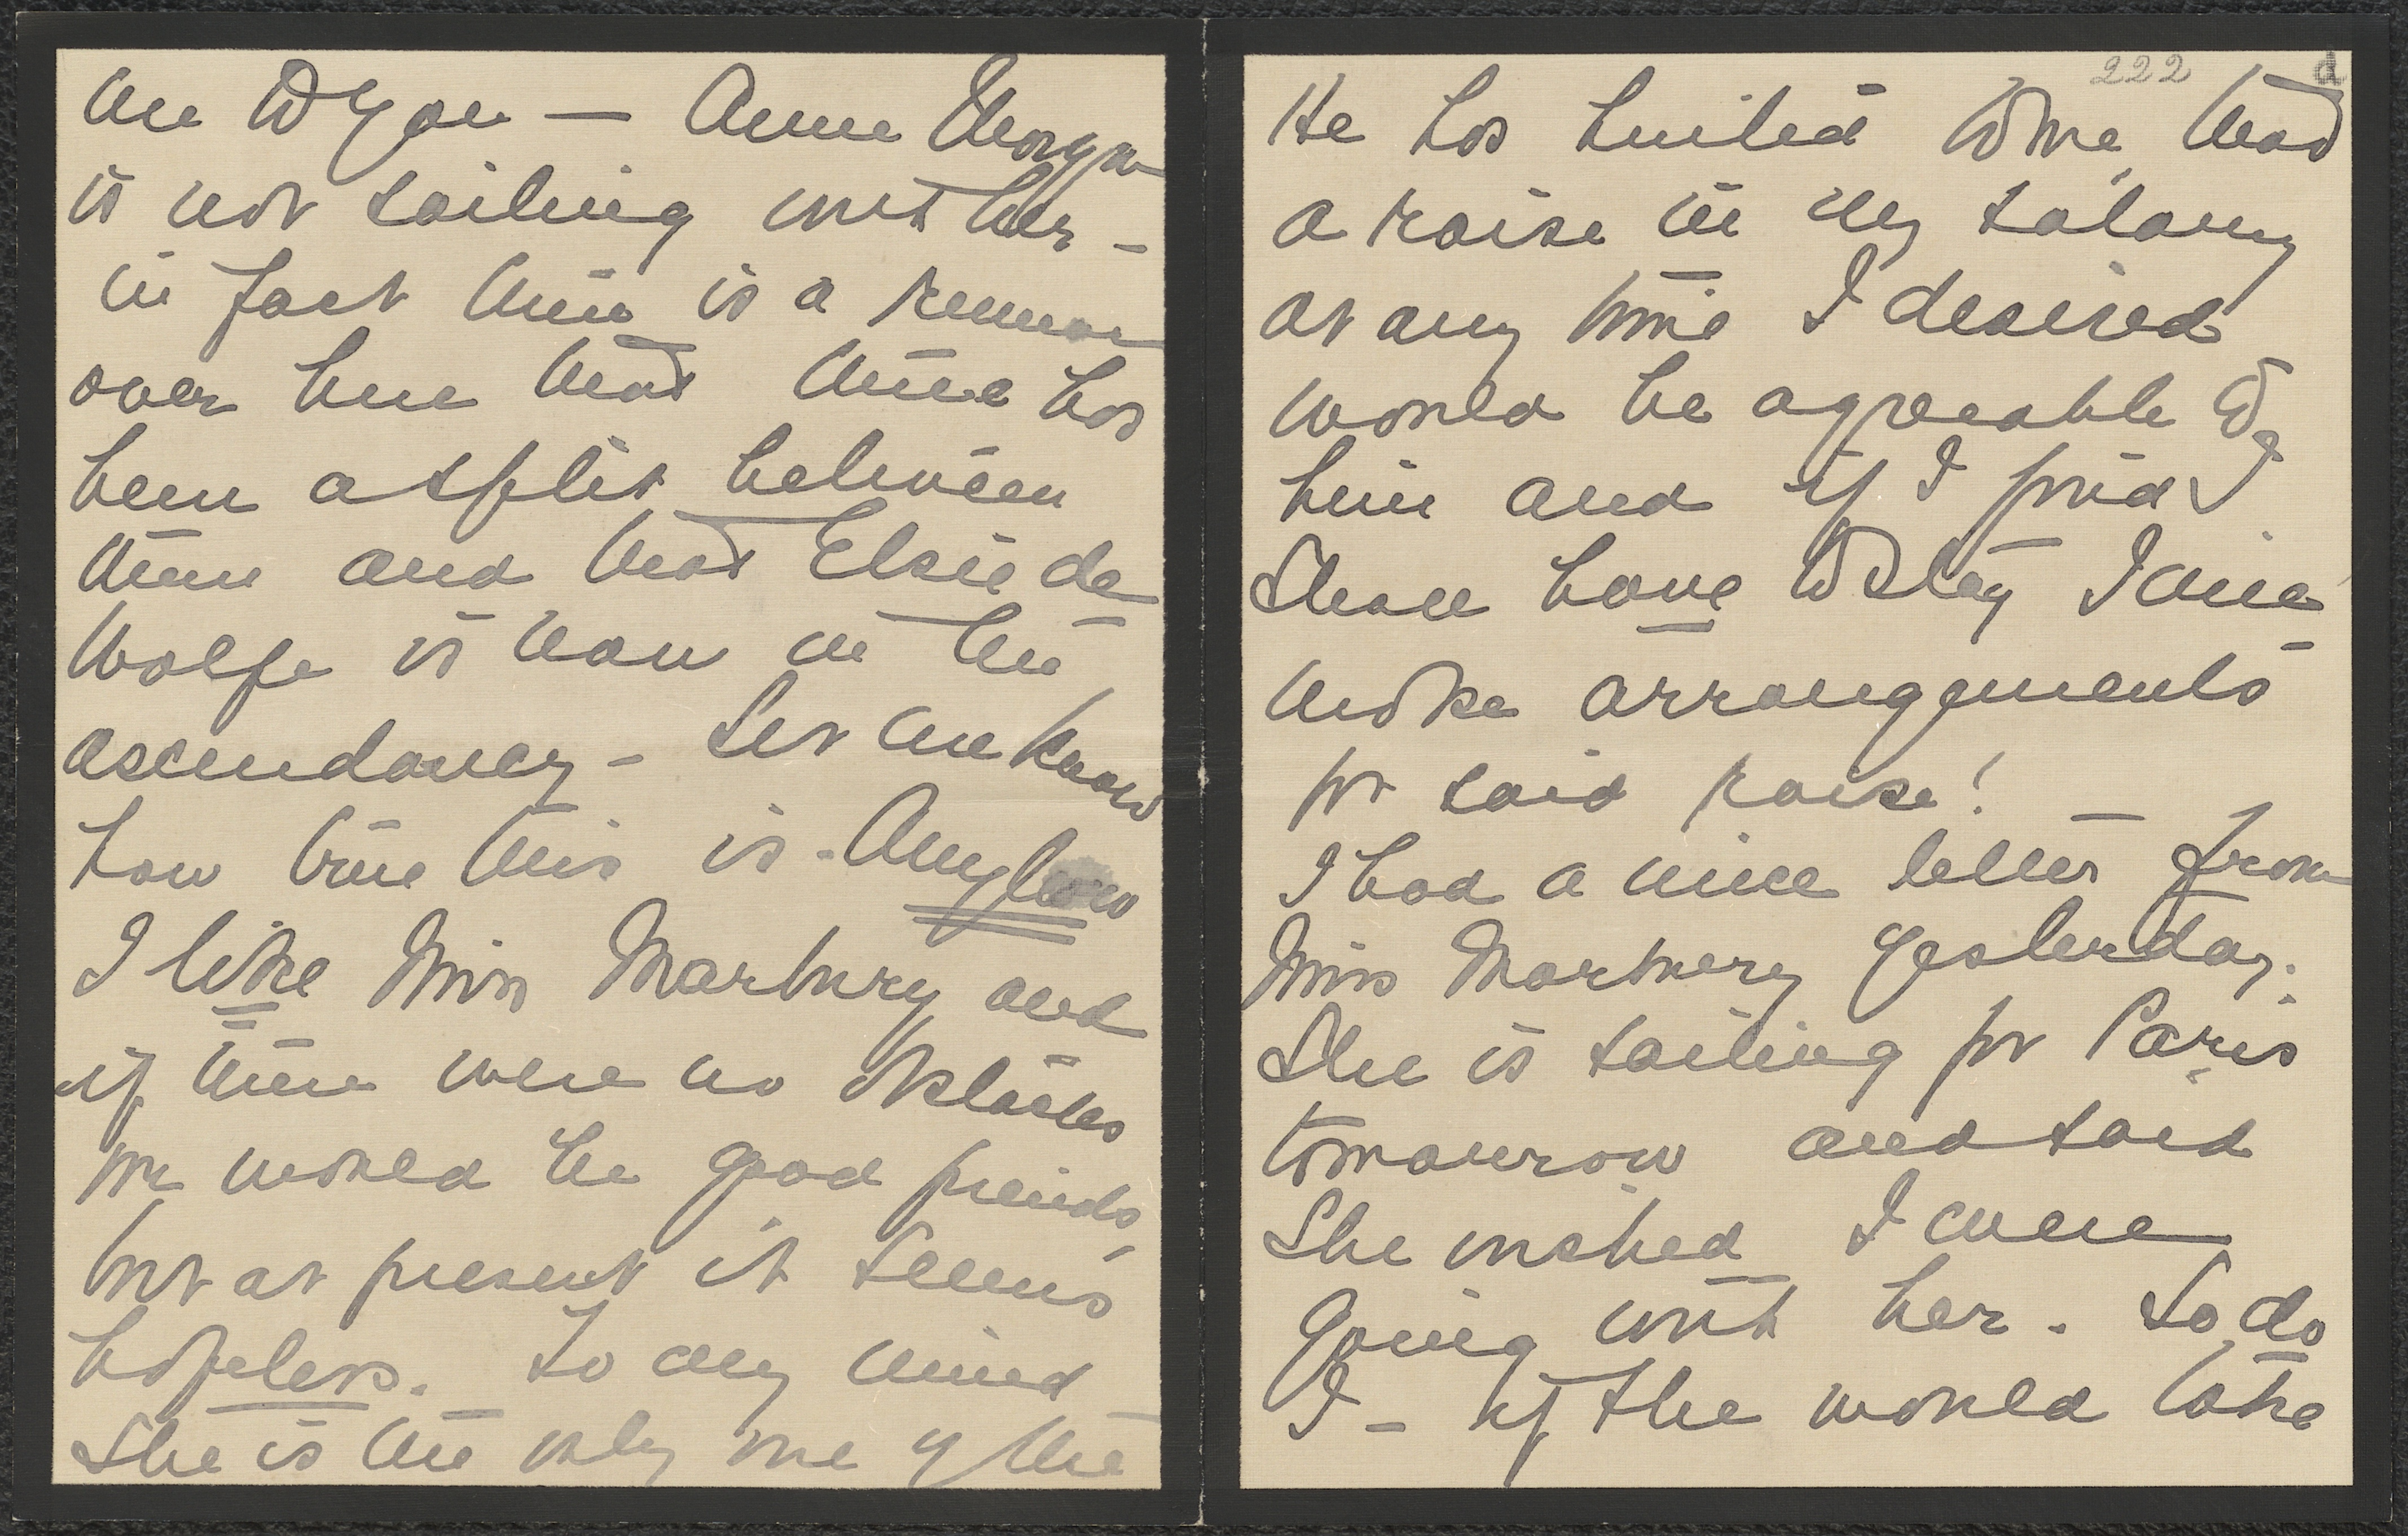He has hinted to me, that a raise in my salary at any time I desired would be agreeable to him and if I find I shall have to stay I will make arrangements but said raise!
I had a nice letter from Miss Marbury yesterday. She is sailing for Paris tomorrow and said she wished I were going with her. So do I – if she would take
me to you – Anne Morgan is not sailing with her – in fact there is a rumour over here that there has been a split between them and that Elsie de Wolfe is now in the ascendancy – Let me know how true this is – [double underlined: Anyhow] I [double underlined: like] Miss Marbury and if there were no obstacles we would be good friends, but at present it seems hopeless. To my mind she is the only one of the